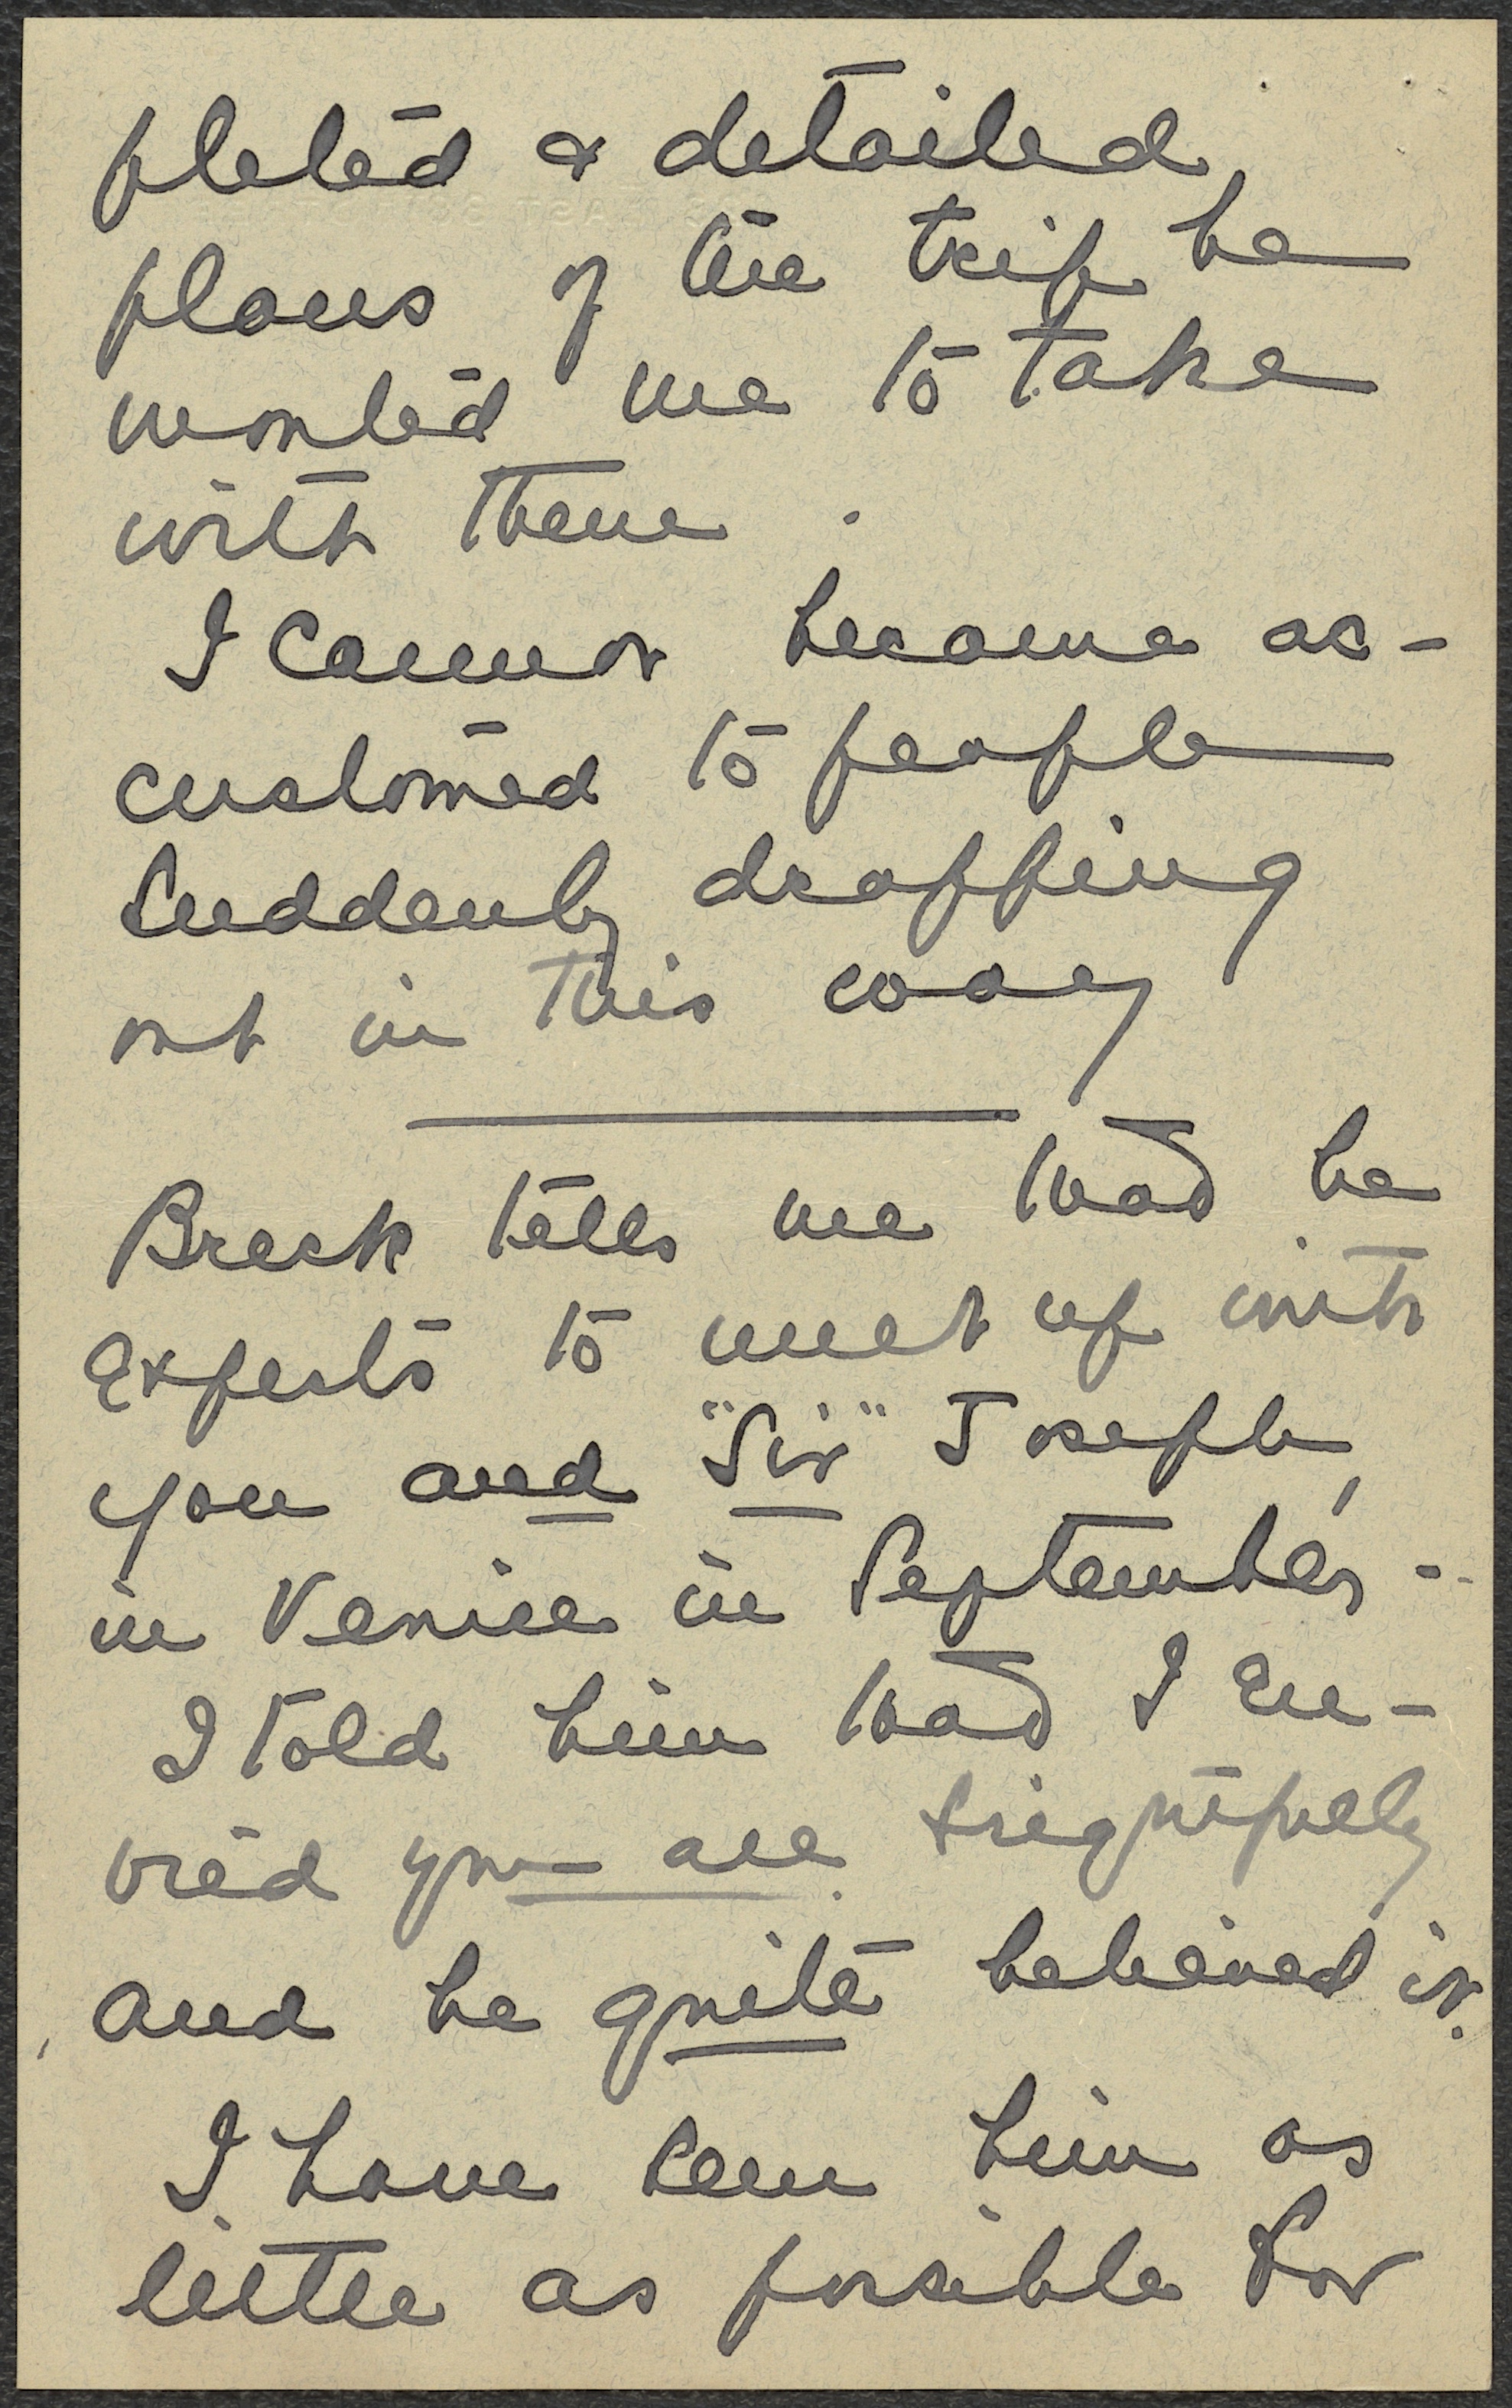completed & detailed plans of the trip he wanted me to take with them.
I cannot become accustomed to people suddenly dropping out in this way
Breck tells me that he expects to meet up with you and “Sir” Joseph, in Venice in September –
I told him that I envied you all frightfully and he quite believed it.
I have seen him as little as possible for